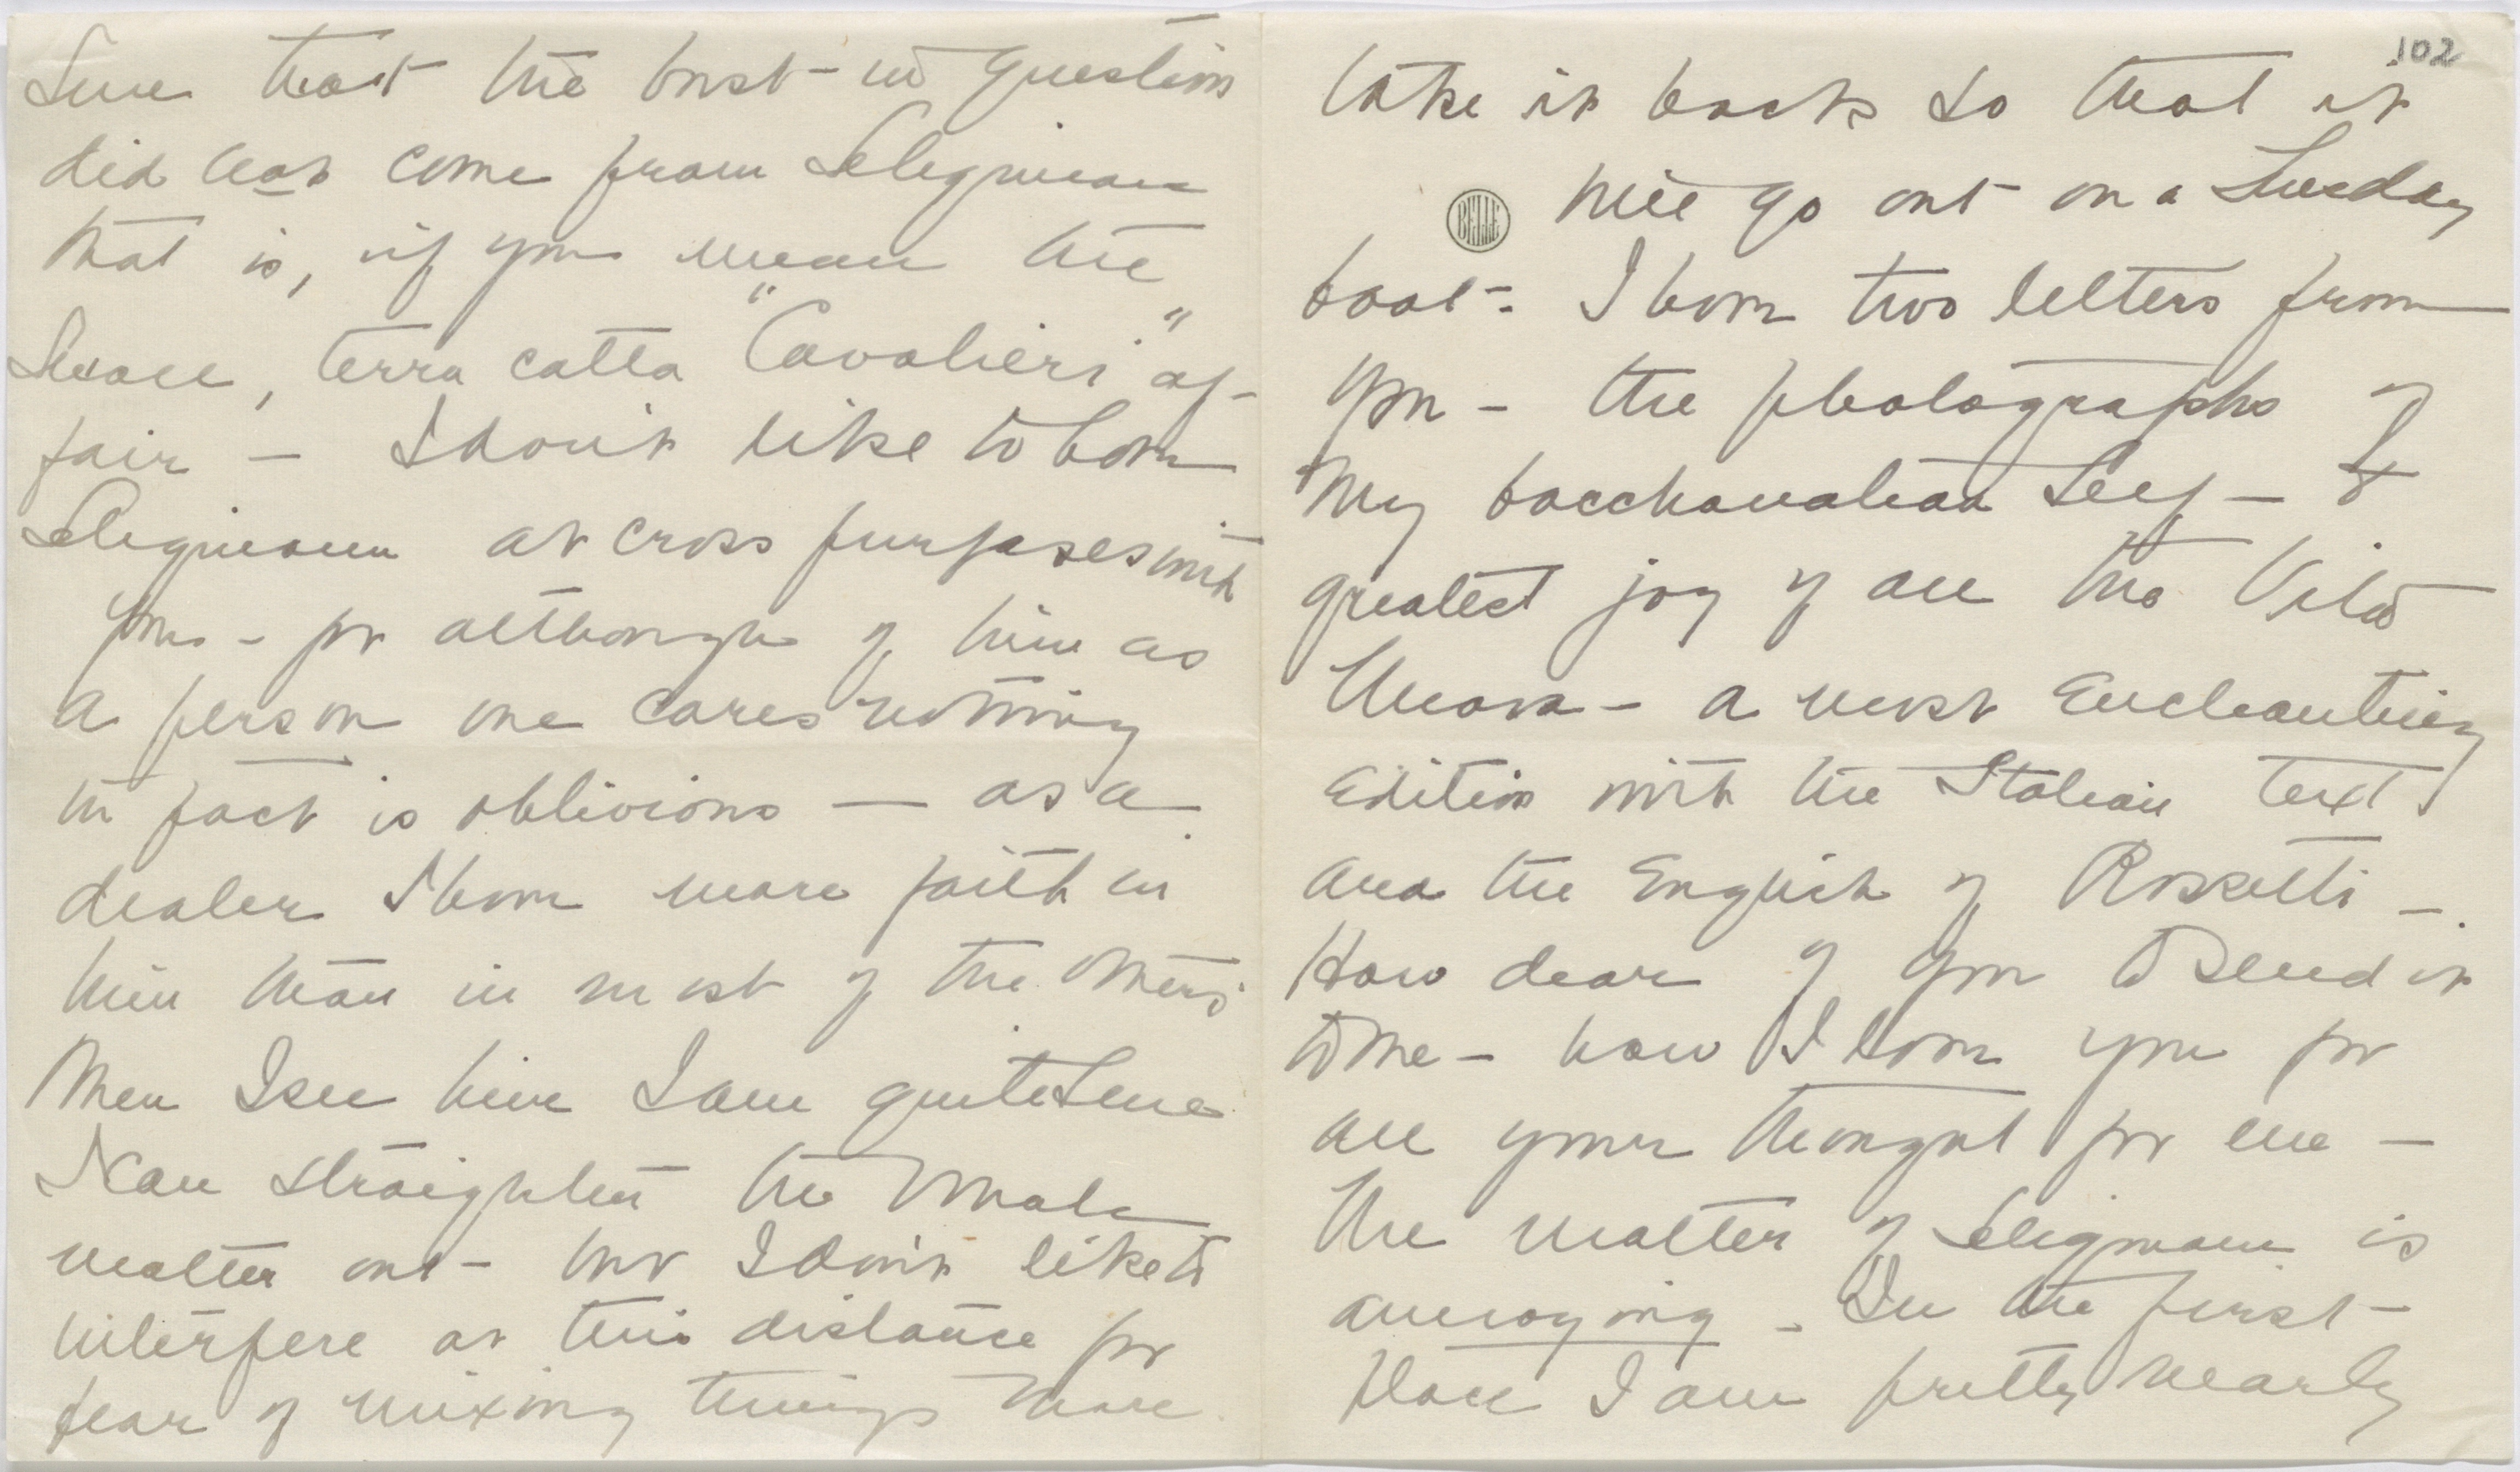take it back so that it will go out on a Tuesday boat – I have two letters from you – the photographs of my bacchanalian self – & greatest joy of all the Vita Nuova – a most enchanting edition with the Italian text and the English of Rossetti – How dear of you to send it to me – how I love you for all your thought for me – The matter of Seligmann is annoying – In the first place I am pretty nearly
sure that the bust in question did not come from Seligmann that is, if you mean the small, terra cotta “Cavalieri” affair – I don’t like to have Seligmann at cross purposes with you – for although of him as a person one cares nothing in fact is oblivious – as a dealer I have more faith in him than in most of the others. When I see him I am quite sure I can straighten the whole matter out – but I don’t like to interfere at this distance for fear of mixing things more.